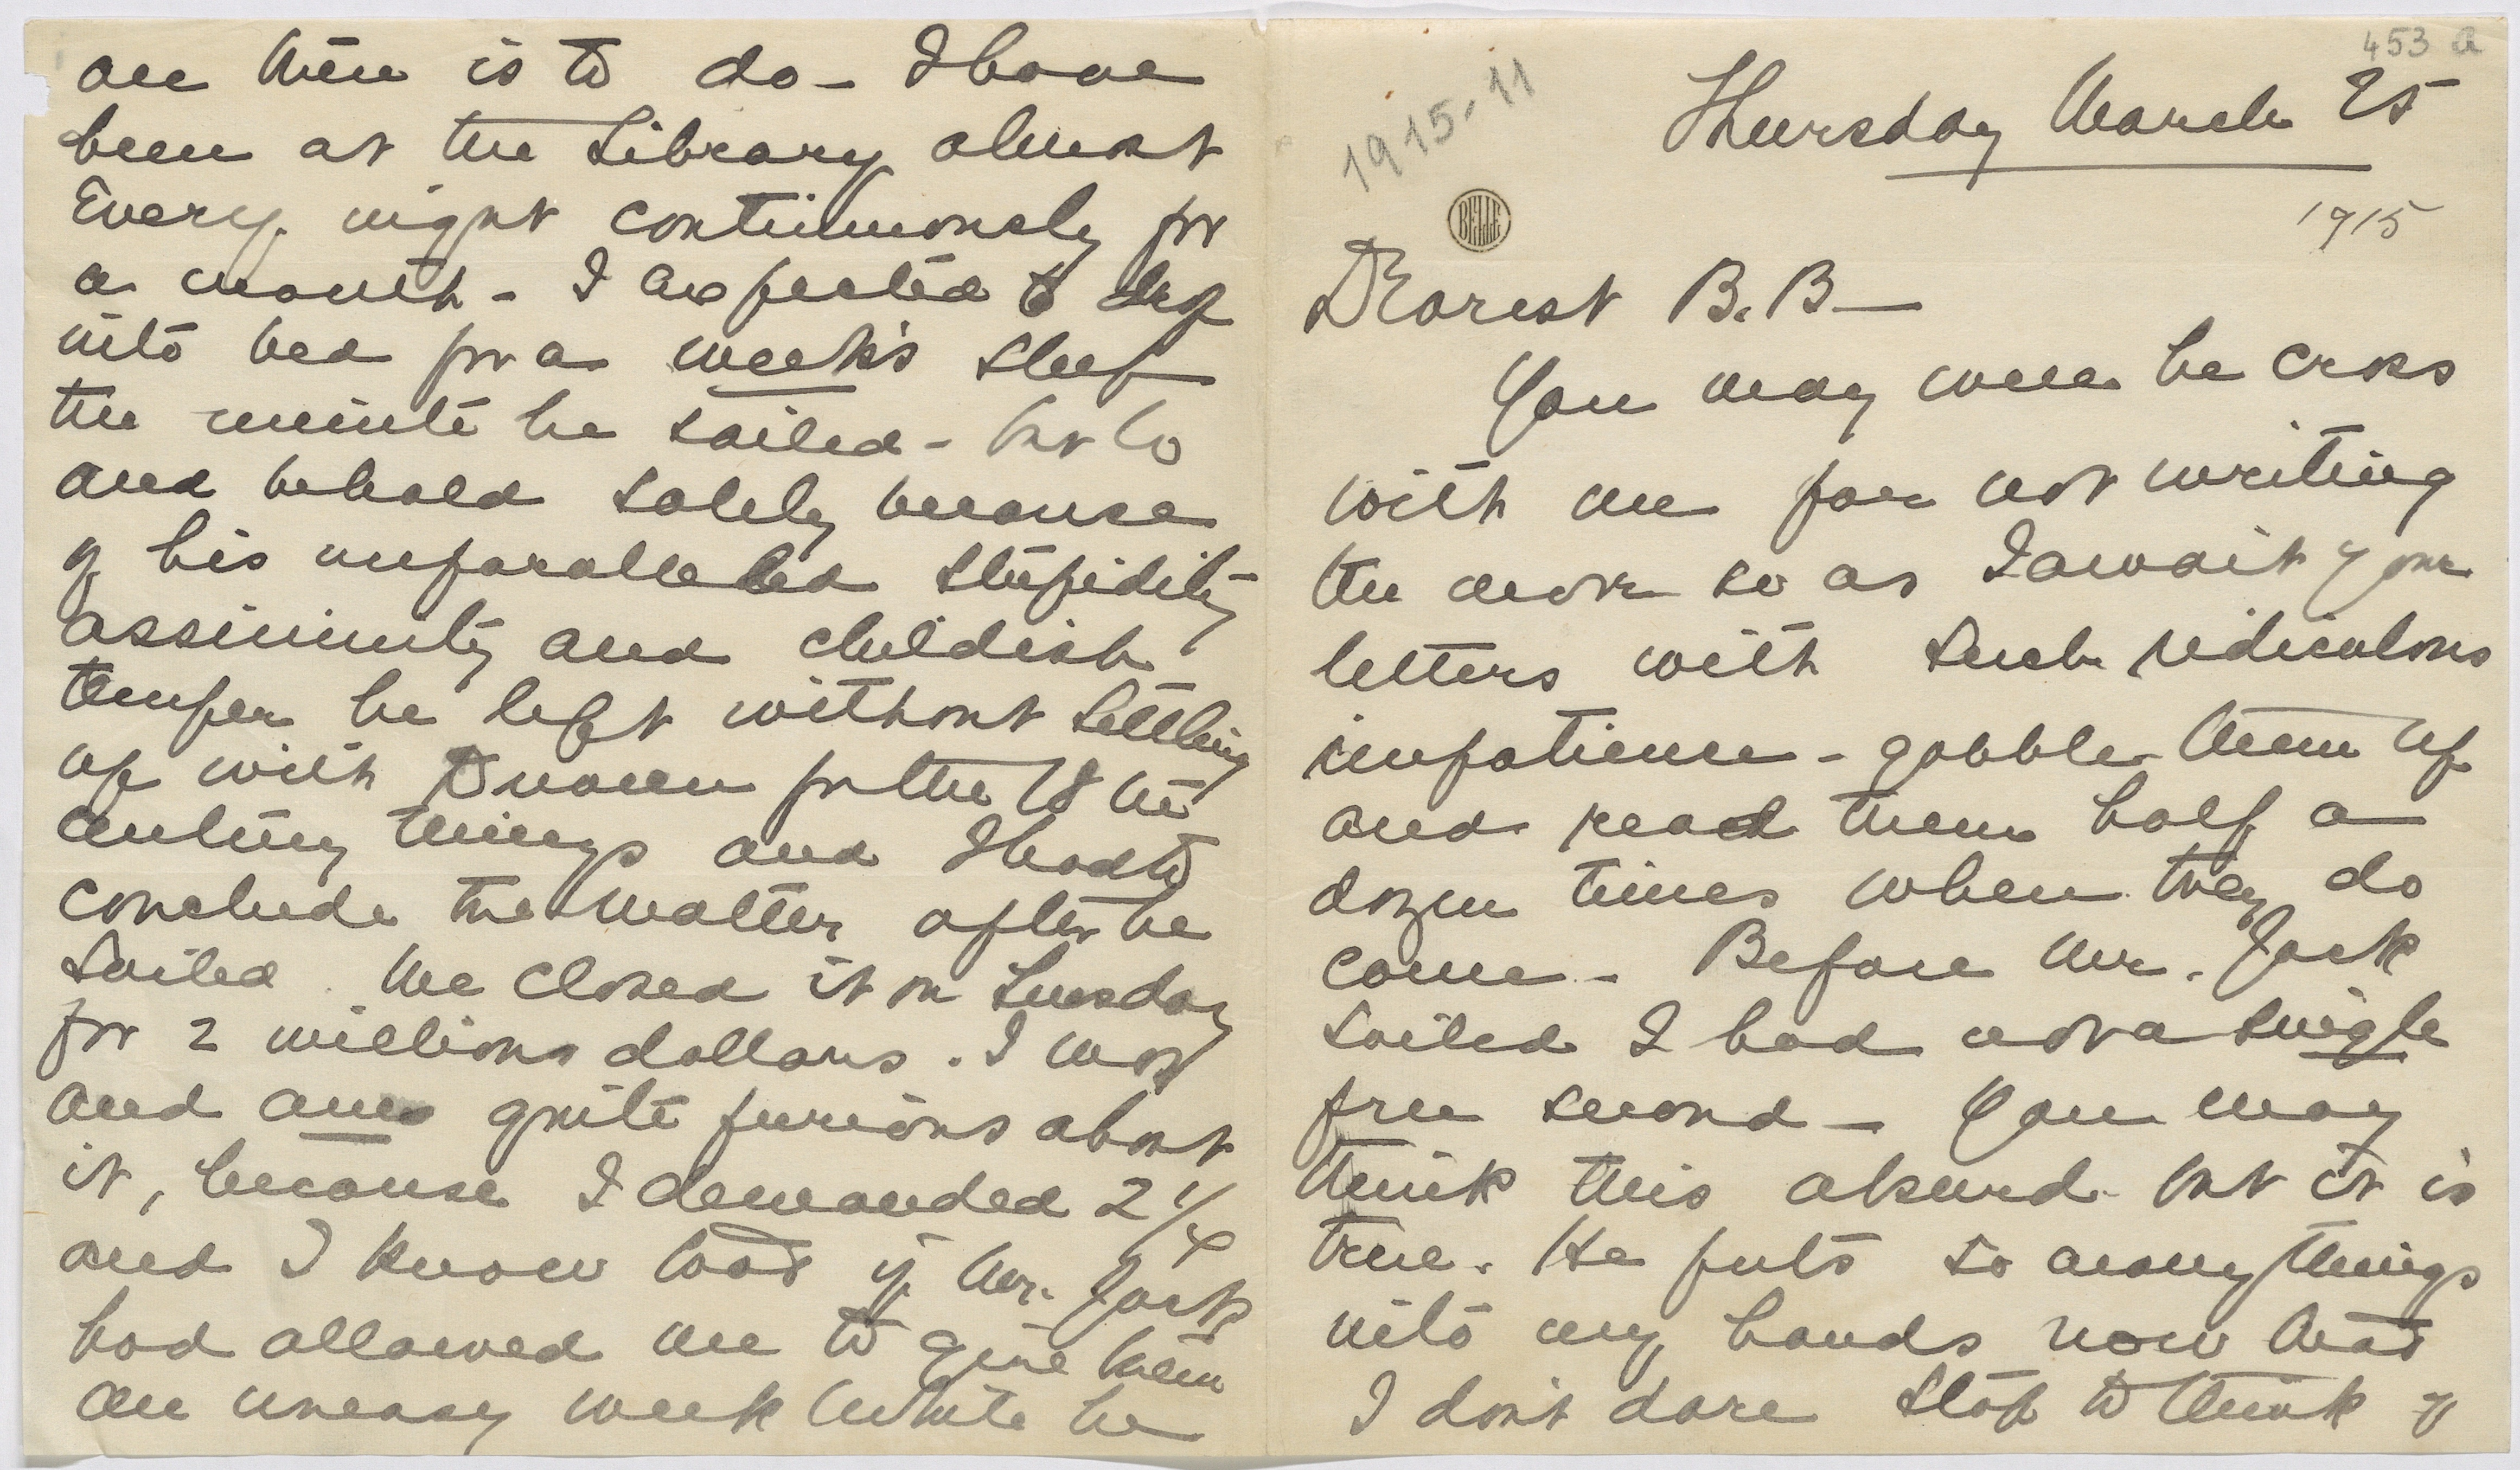Thursday March 25
Dearest B. B –
You may well be cross with me for not writing the more so as I await your letters with such ridiculous impatience – gobble them up and read them half a dozen times when they do come – Before Mr. Jack sailed I had not a single free second – you may think this absurd but it is true. He put so many things into my hands now that I don’t dare stop to think of
all there is to do – I have been at the Library almost every night continuously for a month – I expected to drop into bed for a week’s sleep the minute he sailed – but lo and behold solely because of his unparalleled stupidity assininity [sic] and childish temper he left without settling up with Duveen for the 18th century things and I had to conclude the matter after he sailed we closed it on Tuesday for 2 million dollars. I was and am quite furious about it, because I demanded 2¼ and I know that if Mr. Jack had allowed me to give them an uneasy week while he